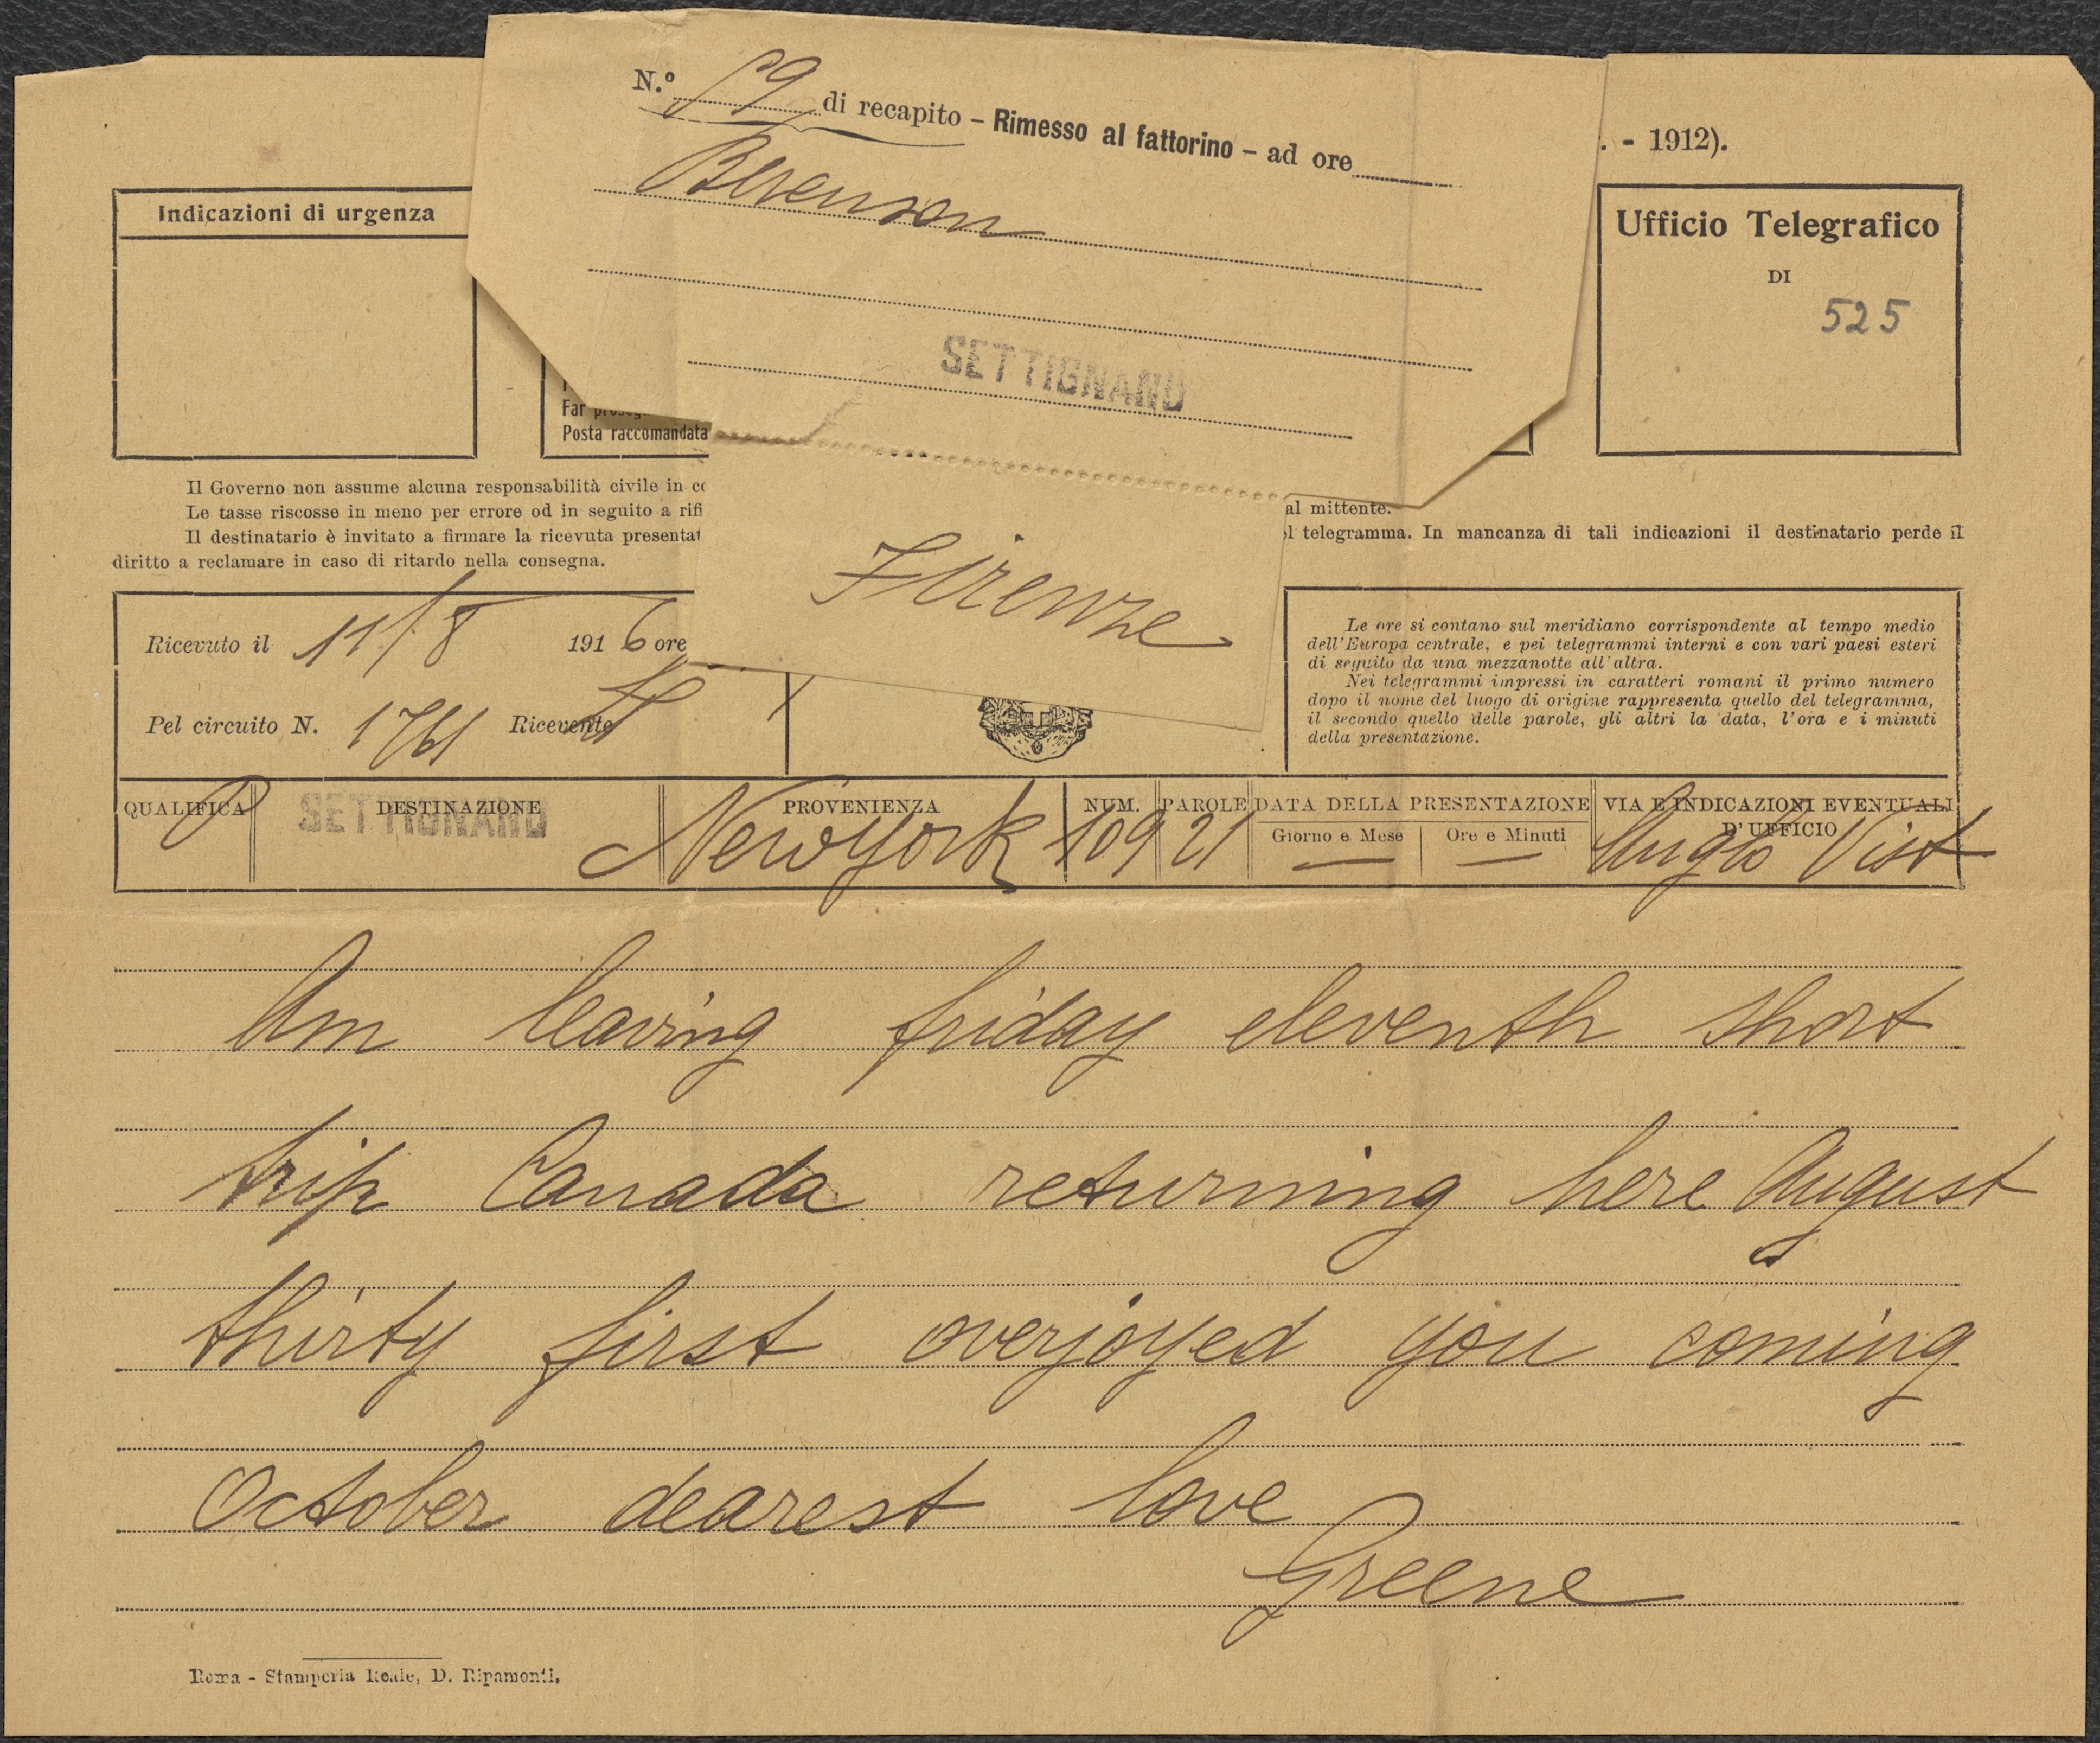Am leaving friday eleventh short trip Canada returning here August thirty first overjoyed you coming October dearest love Greene